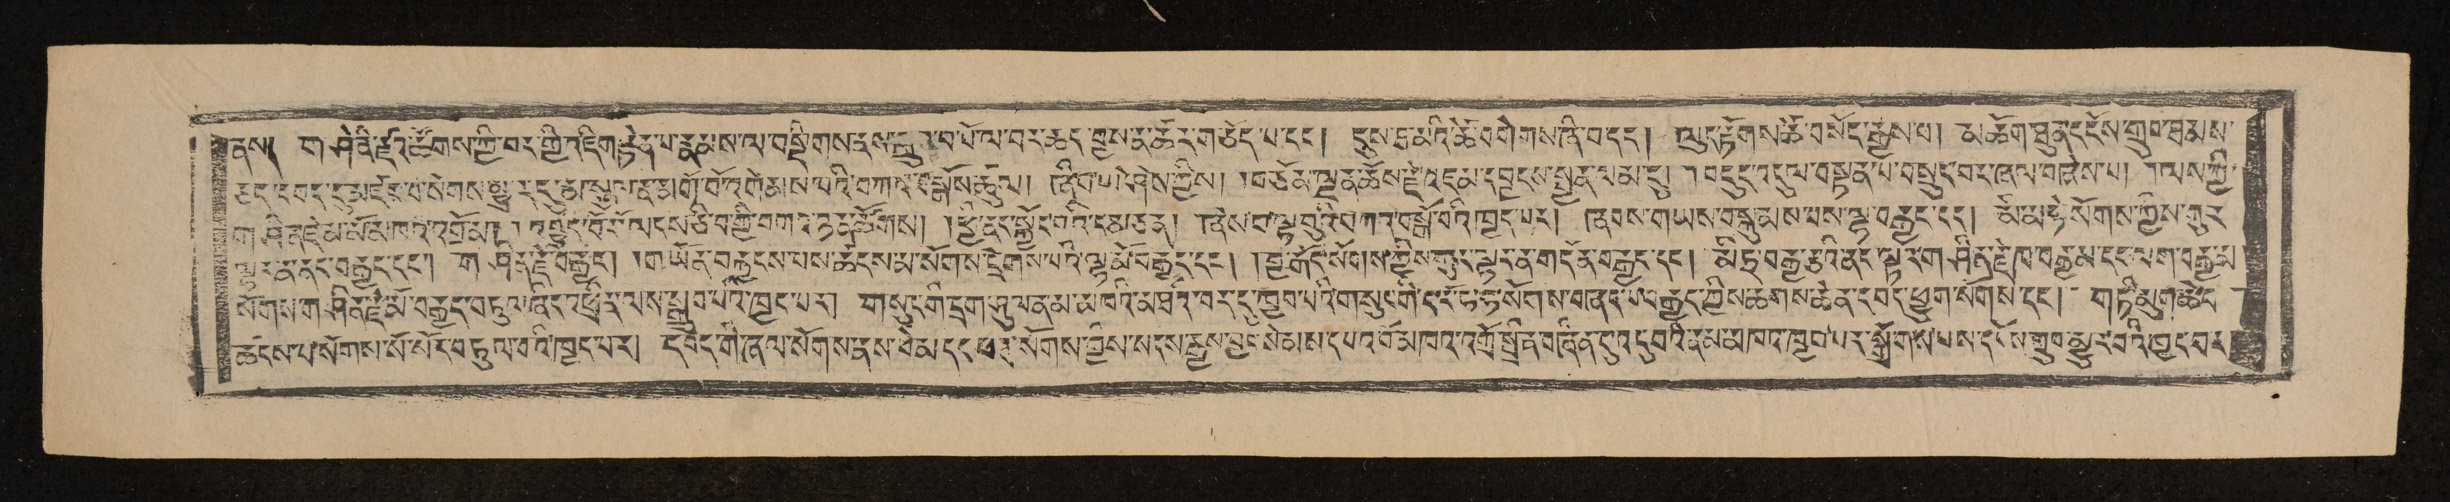ནས༑ གཤིན་རྗེའི་ཚོགས་ཀྱི་བར་གྱི་འཇིག་རྟེན་པ་རྣམས་ལ་བསྡིགས་ནས་སྒྲུབ་པ་པོ་ལ་བར་ཆད་བྱས་ན་ཚར་གཅོད་པ་དང་། དུས་ཐ་མའི་ཚེ་བགེགས་ཞི་བ་དང་། ལུང་རྟོགས་ཚེ་བསོད་རྒྱས་པ། མཆོག་ཐུན་དངོས་གྲུབ་ཐམས་
ཅད་དབང་དུ་མཛད་པ་སོགས་མྱུར་དུ་མ་སྩལ་ན་མགོ་བོ་འགེམས་པའི་བཀའ་བསྒོས་ཚུལ། ཞི་བ་ཡེ་ཤེས་ཀྱིས། བཅོམ་ལྡན་ཆོས་རྗེ་འཇམ་དབྱངས་སྤྱན་ལམ་དུ། །བདུད་འདུལ་བསྟན་པ་བསྲུང་བར་ཞལ་བཞེས་པ། །ལས་ཀྱི་
གཤིན་རྗེ་མ་མོ་མཁའ་འགྲོ་མ། །འབྱུང་པོ་རོ་ལངས་ཅི་བགྱི་བཀའ་ཉན་ཚོགས། །ཕྱི་ནང་སྐྱོང་བའི་དམ་ཅན། ཞེས་པ་ལྟ་བུའི་བཀའ་བསྒོ་བའི་ཁྱད་པར། ཞབས་གཡས་བསྐུམས་པས་ལྷ་བརྒྱད་དང་། མི་མ་ཧེ་སོགས་གྱིས་གུར་
ལྟར་ན་ནད་བརྒྱད་དང་། གཤིན་རྗེ་བརྒྱད། གཡོན་བརྐྱངས་པས་ཚངས་མ་སོགས་དྲེགས་པའི་ལྷ་མོ་བརྒྱད་དང་། བྱ་རྒོད་སོགས་ཀྱིས་གུར་ལྟར་ན་གདོན་བརྒྱད་དང་། མི་ཏྲ་བརྒྱ་རྩའི་ནང་ལྟར་གཤིན་རྗེ་ཁ་བརྒྱ་མ་དང་ལག་བརྒྱ་མ་
སོགས་གཤིན་རྗེ་མོ་བརྒྱད་བཏུལ་ཞིང་འཕྲིན་ལས་སྒྲུབ་པའི་ཁྱད་པར། གསུང་གི་དྲག་ཤུལ་ནམ་མཁའི་མཐའི་བར་དུ་ཁྱབ་པའི་གསུང་གི་ང་རོ་ཧ་ཧ་སོགས་བཞད་པ་བརྒྱད་ཀྱིས་ཆགས་ཆེན་དབང་ཕྱུག་སོགས་དང་། གཏི་མུག་ཆེ་བ་
ཚངས་པ་སོགས་སོ་སོར་བཏུལ་བའི་ཁྱད་པར། དབང་གི་ཞལ་སོགས་ནས་ཕེམ་དང་ཕཊ་སོགས་ཀྱིས་སངས་རྒྱས་བྱང་སེམས་དཔའ་བོ་མཁའ་འགྲོ་སྤྲིན་བཞིན་དུ་འདུ་བའི་ནམ་མཁའ་ཁྱབ་པར་སྒྲོགས་པས་དངོས་གྲུབ་མྱུར་བའི་ཁྱད་པར།